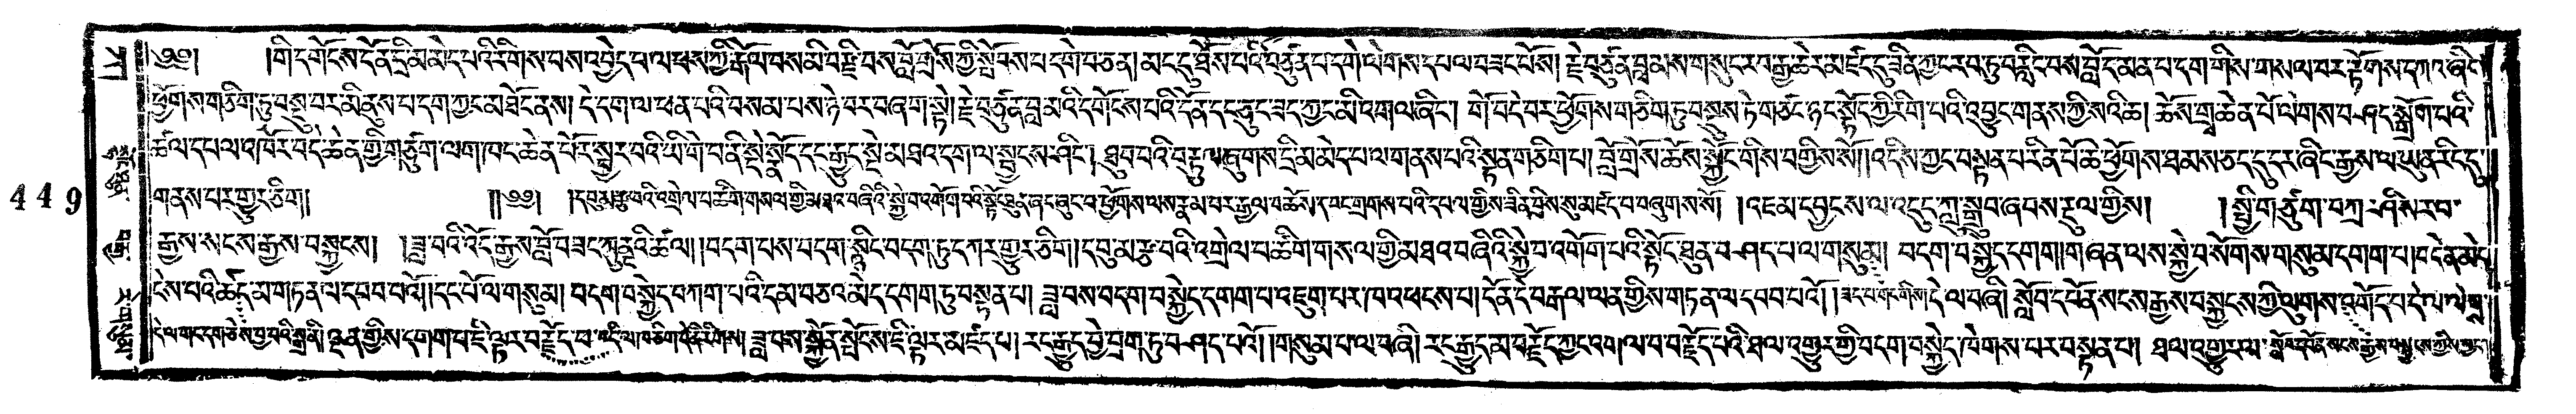༄༅། །གི་དགོངས་དོན་དྲི་མ་མེད་པའི་རིགས་པས་འབྱེད་པ་ལ་ཕས་ཀྱི་རྒོལ་བས་མི་བརྫི་བས་བློ་གྲོས་ཀྱི་སྤོབས་པ་དགེ་བ་ཅན། མང་དུ་ཐོས་པའི་བཙུན་པ་དགེ་ལེགས་དཔལ་བཟང་པོས། རྗེ་བཙུན་བླ་མས་གསུང་རབ་རྒྱ་ཆེར་མཛད་དུ་ཟིན་ཀྱང་རབ་ཏུ་བརླིང་བས་བློད་མན་པ་དག་གིས་གསལ་བར་རྟོགས་དཀའ་ཞིང་
ཕྱོགས་གཅིག་ཏུ་བསྡུ་བར་མི་ནུས་པ་དག་ཀྱང་མཐོང་ནས། དེ་དག་ལ་ཕན་པའི་བསམ་པས་ཉེ་བར་བཞག་སྟེ། རྗེ་བཙུན་བླ་མའི་དགོངས་པའི་དོན་དང་ཅུང་ཟད་ཀྱང་མི་འགལ་ཞིང་། གོ་བདེ་བར་ཕྱོགས་གཅིག་ཏུ་བསྡུས་ཏེ་གཙང་ཉང་སྟོད་ཀྱི་རིག་པའི་འབྱུང་གནས་ཀྱི་སའི་ཆ། ཆོས་གྲྭ་ཆེན་པོ་ལེགས་བཤད་སྒྲོག་པའི་
ཚལ་དཔལ་འཁོར་བདེ་ཆེན་གྱི་གཙུག་ལག་ཁང་ཆེན་པོར་སྦྱར་བའི་ཡི་གེ་བ་ནི་སྡེ་སྣོད་དང་རྒྱུད་སྡེ་མཐའ་དག་ལ་སྦྱངས་ཤིང་། ཐུབ་པའི་བརྟུལ་ཞུགས་དྲི་མ་མེད་པ་ལ་གནས་པའི་སྟན་གཅིག་པ། བློ་གྲོས་ཆོས་སྐྱོང་གིས་བགྱིས་སོ། །འདིས་ཀྱང་བསྟན་པ་རིན་པོ་ཆེ་ཕྱོགས་ཐམས་ཅད་དུ་དར་ཞིང་རྒྱས་ལ་ཡུན་རིང་དུ་
གནས་པར་གྱུར་ཅིག། །། ༄༅། །དབུ་མ་རྩ་བའི་འགྲེལ་པ་ཚིག་གསལ་གྱི་མཐའ་བཞིའི་སྐྱེ་བ་འགོག་པའི་སྟོང་ཐུན་ཞང་ཞུང་བ་ཕྱོགས་ལས་རྣམ་པར་རྒྱལ་བ་ཆོས་དབང་གྲགས་པའི་དཔལ་གྱིས་ཟིན་བྲིས་སུ་མཛད་བ་བཞུགས་སོ།  །འཇམ་དབྱངས་ལ་འདུད་ཀླུ་སྒྲུབ་ཞབས་རྡུལ་གྱིས། །སྤྱི་གཙུག་བཀྲ་ཤིས་རབ་
རྒྱས་སངས་རྒྱས་བསྐྱངས། །ཟླ་བའི་འོད་རྒྱས་བློ་བཟང་ཀུནྡའི་ཚལ། །བདག་པས་བདག་སྙིང་བདག་ཏུ་དཀར་གྱུར་ཅིག །དབུ་མ་རྩ་བའི་འགྲེལ་པ་ཚིག་གསལ་གྱི་མཐའ་བཞིའི་སྐྱེ་བ་འགོག་པའི་སྟོང་ཐུན་བཤད་པ་ལ་གསུམ། བདག་བསྐྱེད་དགག། གཞན་ལས་སྐྱེ་བ་སོགས་གསུམ་དགག་པ། བདེན་མེད་
ངེས་པའི་ཚད་མ་གཏན་ལ་དབབ་པའོ། །དང་པོ་ལ་གསུམ། བདག་བསྐྱེད་བཀག་པའི་དམ་བཅའ་མེད་དགག་ཏུ་བསྟན་པ། ཟླ་བས་བདག་བསྐྱེད་དགག་པ་འཇུག་པར་ཁ་འཕངས་པ། དོན་དེ་བརྒལ་ལན་གྱིས་གཏན་ལ་དབབ་པའོ། །ཟད་པ་གང་གིས།  དེ་ལ་བཞི། སློབ་དཔོན་སངས་རྒྱས་བསྐྱངས་ཀྱི་ལུགས་འགོད་པ་དེ་ལ་ལེགས་
དེ་ལ་གང་དག་ཅེས་བྱ་བའི་སྒྲ་ནི།  ལྡན་གྱིས་དགག་པ་ཇི་ལྟར་བརྗོད་བ་འདི་ལ་ཁ་ཅིག་དེ་ནི་རིགས།  ཟླ་བས་སྐྱོན་སྤོངས་ཇི་ལྟར་མཛད་པ། རང་རྒྱུད་བྱེ་བྲག་ཏུ་བཤད་པའོ། །གསུམ་པ་ལ་བཞི། རང་རྒྱུད་མ་བརྗོད་ཀྱང་འགལ་བ་བརྗོད་པའི་ཐལ་འགྱུར་གྱི་བདག་བསྐྱེད་ཁེགས་པར་བསྟན་པ། ཐལ་འགྱུར་ལ་སློབ་དཔོན་སངས་རྒྱས་བསྐྱངས་ཀྱིས་ཀྱང་།